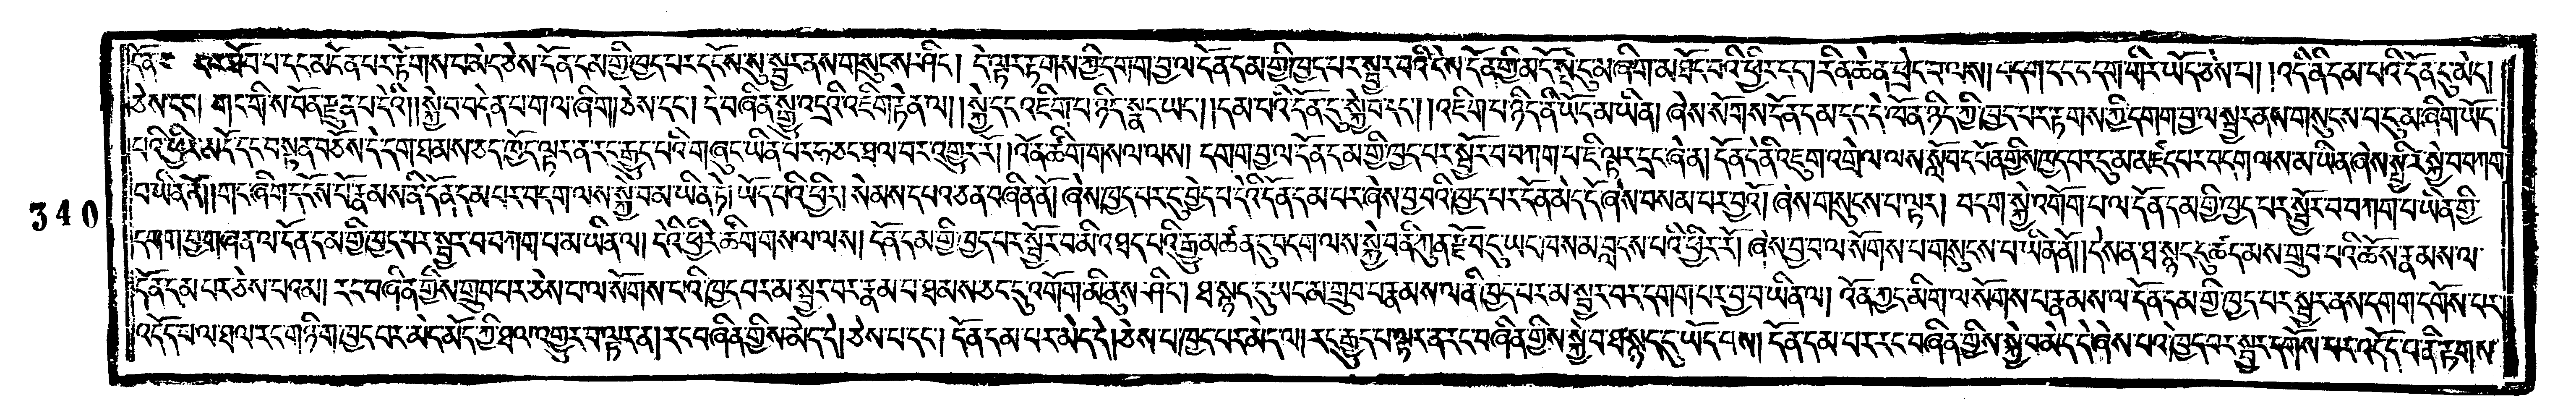དོན་དམ་པར་ཐོབ་པ་དང་མདོན་པར་རྟོགས་པ་མེད་ཅེས་དོན་དམ་གྱི་ཁྱད་པར་དངོས་སུ་སྦྱར་ནས་གསུངས་ཤིང་། དེ་ལྟར་རྟགས་ཀྱི་དགག་བྱ་ལ་དོན་དམ་གྱི་ཁྱད་པར་སྦྱར་བའི་ངེས་དོན་གྱི་མདོ་སྡེ་དུ་མ་ཞིག་མཐོང་བའི་ཕྱིར་དང་། རིན་ཆེན་ཕྲེང་བ་ལས། བདག་དང་དེ་དག་གིར་ཡོད་ཅེས་པ། །འདི་ནི་དམ་པའི་དོན་དུ་མེད།
ཅེས་དང་། གང་གི་ས་བོན་རྫུན་པ་དེའི། །སྐྱེ་བ་བདེན་པ་གལ་ཞིག། ཅེས་དང་། དེ་བཞིན་སྒྱུ་འདྲའི་འཇིག་རྟེན་ལ། །སྐྱེ་དང་འཇིག་པ་ཉིད་སྣང་ཡང་། །དམ་པའི་དོན་དུ་སྐྱེ་བ་དང་། །འཇིག་པ་ཉིད་ནི་ཡོད་མ་ཡིན། ཞེས་སོགས་དོན་དམ་དང་དེ་ཁོ་ན་ཉིད་ཀྱི་ཁྱད་པར་རྟགས་ཀྱི་དགག་བྱ་ལ་སྦྱར་ནས་གསུངས་པ་དུ་མ་ཞིག་ཡོད་
པའི་ཕྱིར་མདོ་དང་བསྟན་བཅོས་དེ་དག་ཐམས་ཅད་ཁྱོད་ལྟར་ན་རང་རྒྱུད་པའི་གཞུང་ཡིན་པར་ཧ་ཅང་ཐལ་བར་འགྱུར་རོ། །འོ་ན་ཚིག་གསལ་ལས། དགག་བྱ་ལ་དོན་དམ་གྱི་ཁྱད་པར་སྦྱོར་བ་བཀག་པ་ཇི་ལྟར་དྲང་ཞེ་ན། དོན་དེ་ནི་འཇུག་འགྲེལ་ལས་སློབ་དཔོན་གྱིས་ཁྱད་པར་དུ་མ་མཛད་པར་བདག་ལས་མ་ཡིན་ཞེས་སྤྱིར་སྐྱེ་བ་བཀག་
བ་ཡིན་ནོ། །གང་ཞིག་དངོས་པོ་རྣམས་ནི་དོན་དམ་པར་བདག་ལས་སྐྱེ་བ་མ་ཡིན་ཏེ། ཡོད་པའི་ཕྱིར། སེམས་དཔའ་ཅན་བཞིན་ནོ། ཞེས་ཁྱད་པར་དུ་བྱེད་པ་དེའི་དོན་དམ་པར་ཞེས་བྱ་བའི་ཁྱད་པར་དོན་མེད་དོ་ཞེས་བསམ་པར་བྱའོ། ཞེས་གསུངས་པ་ལྟར། བདག་སྐྱེ་འགོག་པ་ལ་དོན་དམ་གྱི་ཁྱད་པར་སྦྱོར་བ་བཀག་པ་ཡིན་གྱི་
དགག་བྱ་གཞན་ལ་དོན་དམ་གྱི་ཁྱད་པར་སྦྱར་བ་བཀག་པ་མ་ཡིན་ལ། དེའི་ཕྱིར་ཚིག་གསལ་ལས། དོན་དམ་གྱི་ཁྱད་པར་སྦྱོར་བ་མི་འཐད་པའི་རྒྱུ་མཚན་དུ་བདག་ལས་སྐྱེ་བ་ནི་ཀུན་རྫོབ་དུ་ཡང་ཁས་མ་བླངས་པའི་ཕྱིར་རོ། ཞེས་བྱ་བ་ལ་སོགས་པ་གསུངས་པ་ཡིན་ནོ། །དེས་ན་ཐ་སྙད་དུ་ཚད་མས་གྲུབ་པའི་ཆོས་རྣམས་ལ་
དོན་དམ་པར་ཅེས་པའམ། རང་བཞིན་གྱིས་གྲུབ་པར་ཅེས་པ་ལ་སོགས་པའི་ཁྱད་པར་མ་སྦྱར་བར་རྣམ་པ་ཐམས་ཅད་དུ་འགོག་མི་ནུས་ཤིང་། ཐ་སྙད་དུ་ཡང་མ་གྲུབ་པ་རྣམས་ལ་ནི་ཁྱད་པར་མ་སྦྱར་བར་དགག་པར་བྱ་བ་ཡིན་ལ། འོན་ཀྱང་མིག་ལ་སོགས་པ་རྣམས་ལ་དོན་དམ་གྱི་ཁྱད་པར་སྦྱར་ནས་དགག་དགོས་པར་
འདོད་པ་ལ་ཐལ་རང་གཉི་ག་ཁྱད་པར་མེད་མོད་ཀྱི་ཐལ་འགྱུར་བ་ལྟར་ན། རང་བཞིན་གྱིས་མེད་དེ། ཅེས་པ་དང་། དོན་དམ་པར་མེད་དེ། ཅེས་པ་ཁྱད་པར་མེད་ལ། རང་རྒྱུད་པ་ལྟར་ན་རང་བཞིན་གྱིས་སྐྱེ་བ་ཐ་སྙད་དུ་ཡོད་པས། དོན་དམ་པར་རང་བཞིན་གྱིས་སྐྱེ་བ་མེད་དེ་ཞེས་པའི་ཁྱད་པར་སྦྱར་དགོས་པར་འདོད་པ་ནི་རྟགས་